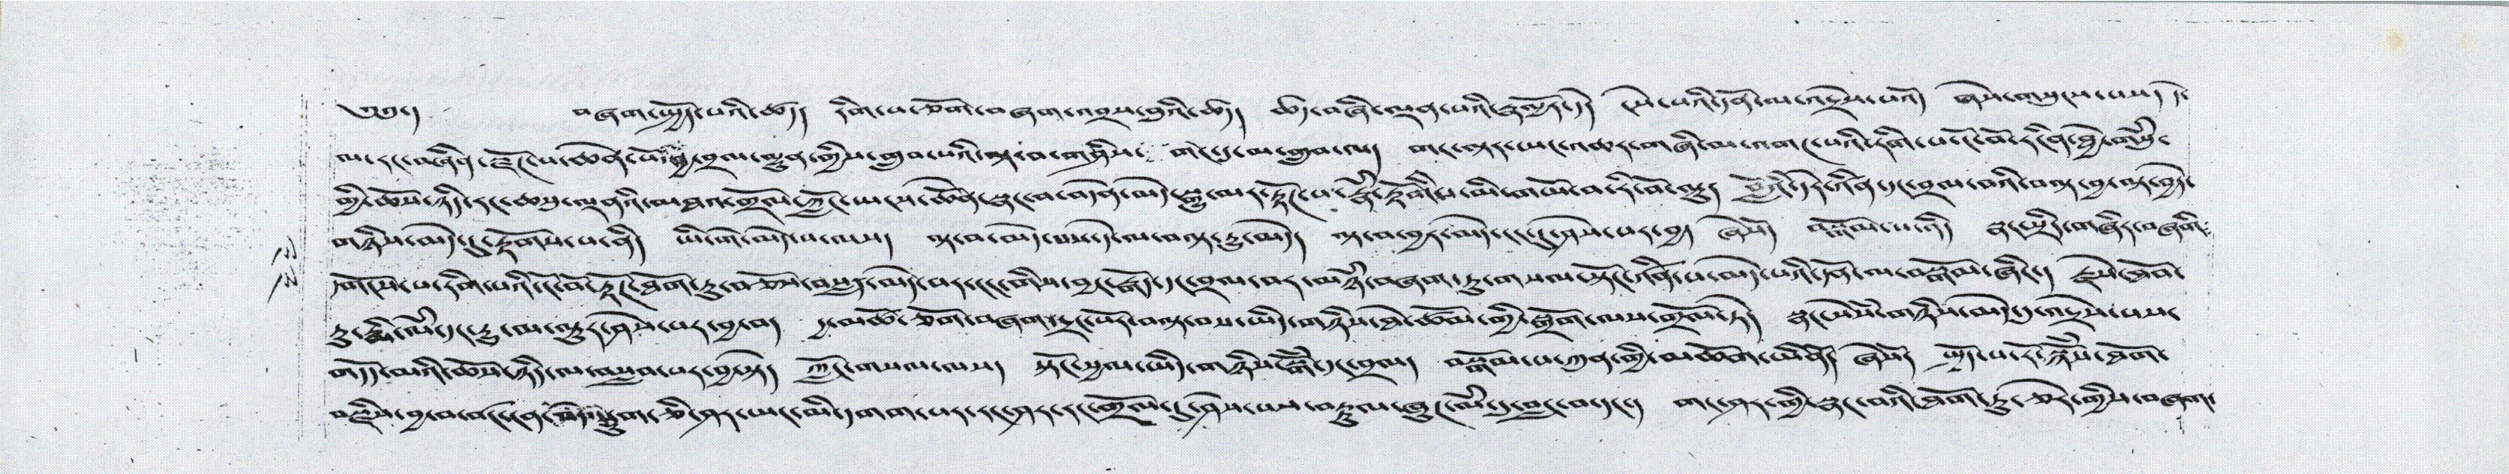བཞག་སྤྱོད་པའི་ཚད། རིག་པ་ཅོག་བཞག་འབྲས་བུའི་ཚད། ཚད་བཞི་ལྡན་པའི་རྣལ་འབྱོར་དེ། ངེས་པའི་དོན་ལ་འདྲེས་པའོ། ཞེས་གསུངས་པས། དེ་
ལ་རང་བཞིན་རྫོགས་པ་ཆེན་པོ་བྱ་བྲལ་ལྷུན་གྱིས་གྲུབ་པའི་ལྟ་བ་གཤིས་གང་དུ་མ་གྲུབ་ལ། གང་ལྟར་ཡང་འཆར་གཞི་མ་འགགས་པའི་རིག་པ་ངོ་བོ་རང་བཞིན་ཐུགས་རྗེ་གསུམ་
གྱི་ཆོས་ཉིད་རང་ཆས་སུ་ལྡན་པའི་མཐའ་གྲོལ་ཀློང་ཡངས་ཆེན་པོ་སྣང་བ་བདེན་མེད་སྒྱུ་མར་རྟོགས་པ་རྣམ་རྟོག་གིས་མི་གཡོ་བ་རི་བོ་ལྟ་བུ། བློའི་དེར་འཛིན་དང་བྲལ་བའི་བལྟ་བྱ་ལྟ་བྱེད་
གཉིས་མེད་དུ་རྟོགས་པ་ནི། ཡི་གེ་མེད་པ་ལས། ལྟ་བ་མེད་པས་དེ་ལ་བལྟ་རྒྱུ་མེད། ལྟ་བ་བྱར་མེད་ངང་དུ་ཤེས་པར་བྱ། ཞེས་སོ། བསྒོམ་པ་ནི། སྣང་སྲིད་གཞིར་བཞག་གི་
དགོངས་པ་རིག་པའི་ངོ་བོ་རྟོགས་ཐོག་ཏུ་བཅོས་བསླད་མེད་པར་ངང་གིས་བྱིང་རྒོད་དང་བྲལ་བར་མཉམ་བཞག་ཏུ་གསལ་སྟོང་འཛིན་པ་མེད་པའི་དོན་ལ་བསྒོམ་ཞིང། རྗེས་ཐོབ་
ཏུ་རྨི་ལམ་དང་རྒྱུ་མ་ལྟ་བུར་ཤེས་པར་བྱ་བ། རྒྱ་མཚོ་ཅོག་བཞག་དྲང་པོར་བལྟ་བས་ཡིད་གཉིས་ཐེ་ཚོམ་གྱི་སྒྲོག་ལས་གྲོལ་ཏེ། སྣང་སེམས་གཉིས་མེད་དུ་འདྲེས་པས་
གདོད་མའི་ཆོས་ཉིད་ལ་བསླབ་པར་བྱ་སྟེ། ཀློང་གསལ་ལས། སྟོང་གསལ་ཡིད་གཉིས་སྒོམ་དང་བྲལ། བསྒོམ་པ་ཀུན་གྱི་མཆོག་ཡིན་ནོ། ཞེས་སོ། སྤྱོད་པ་རོ་སྙོམས་ཐོག་
བརྫིས་བྱ་བ་བཟང་ངན་བདེ་སྡུག་ཅི་ཤར་ཡང་མི་དགག་པར་རང་ཤར་རང་གྲོལ་དུ་ཤེས་པས་བརྟུལ་ཞུགས་ལམ་དུ་བླང་བ་དང། གང་ཤར་གྱི་སྣང་བའི་ཐོག་ཏུ་ཅེར་གྱིས་བཞག་